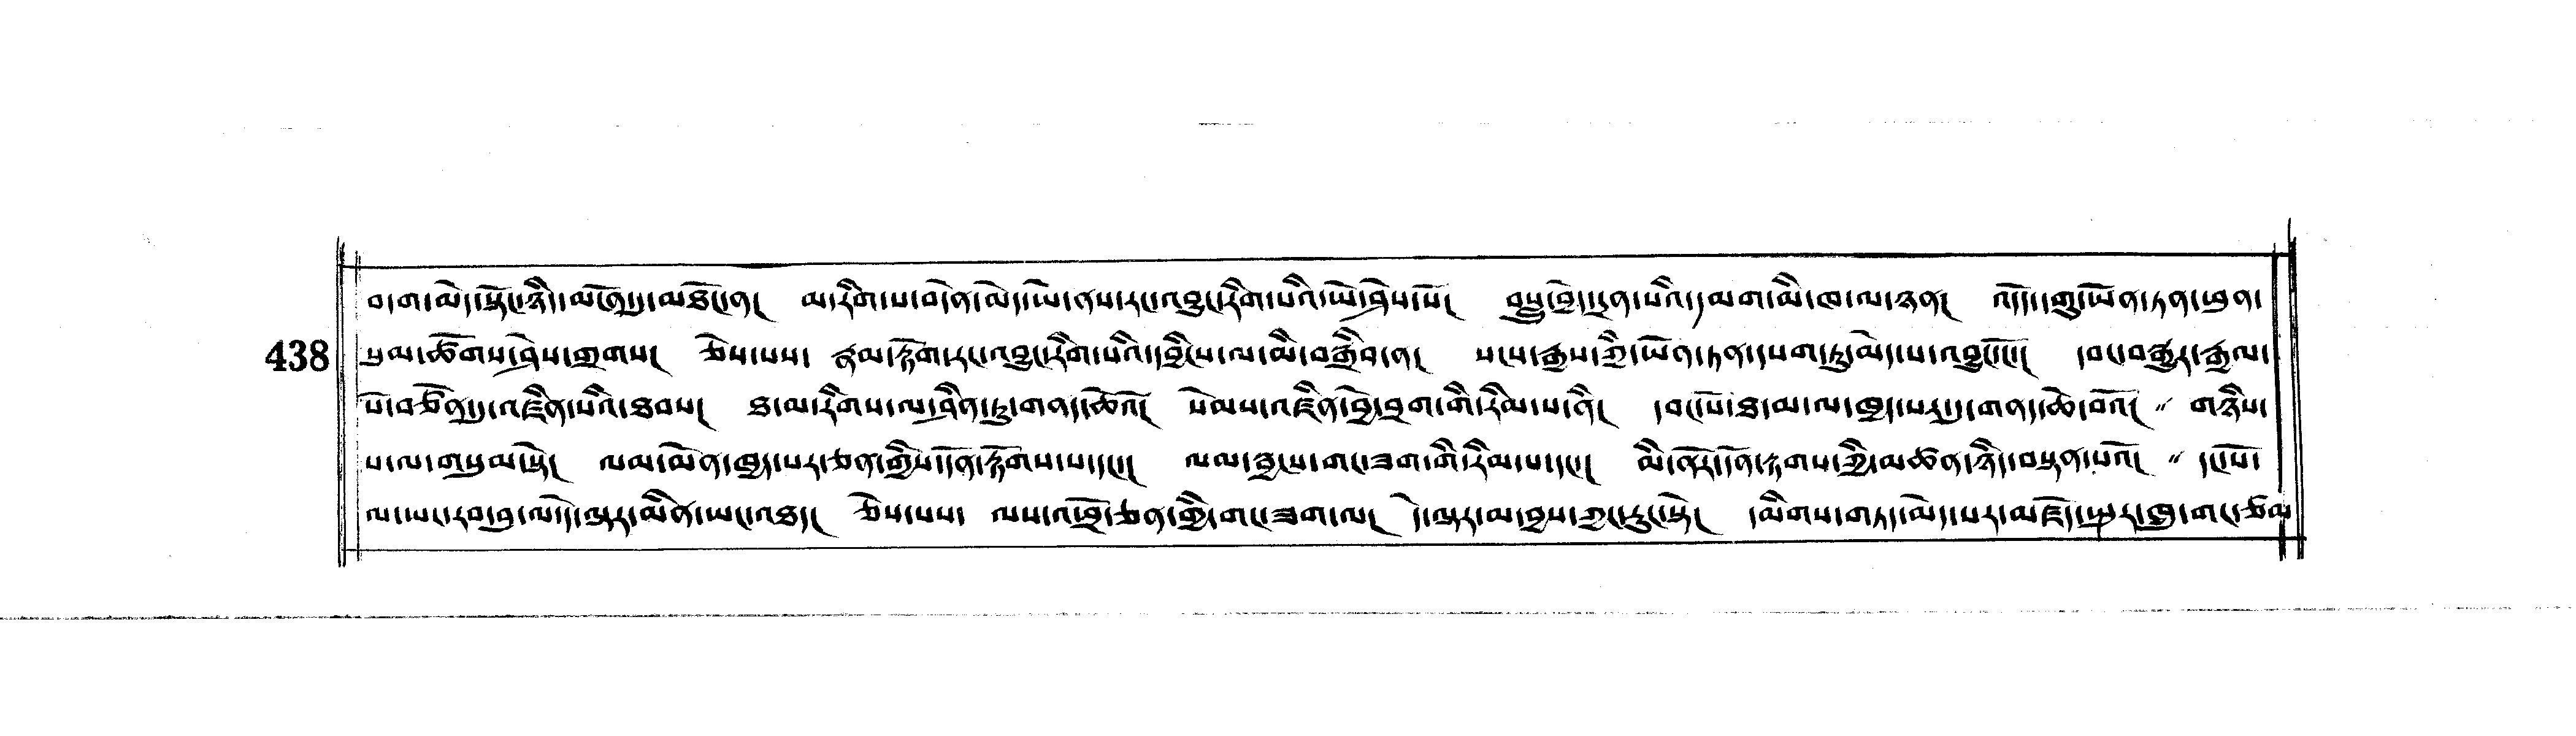བདག་མེད་སྟོང་ཉིད་མངོན་དུ་མཐོང་ན། མ་རིག་པ་བདེན་མེད་ཡེ་ནས་རང་འབྱུང་རིག་པའི་ཡེ་ཤེས་སོ། བསླུ་བྱེད་དྲན་པའི་དམག་མི་ཁ་ལ་ཉན། འདོད་རྒུ་ཡོན་ཏན་ཕུན་
སུམ་ཚོགས་ཞེས་གྲགས། ཅེས་པས། རྣམ་རྟོག་རང་འབྱུང་རིག་པའི་དབྱིངས་ལ་མི་བསྒྲིབ་ན། སངས་རྒྱས་ཀྱི་ཡོན་ཏན་དཔག་ཏུ་མེད་པ་འབྱུང་ངོ་། དབང་སྒྱུར་རྒྱལ་
པོ་བཙོན་དུ་འཛིན་པའི་ཐབས། ཐ་མ་རིགས་ལ་ཤིན་ཏུ་གནད་ཆེའོ། སེམས་འཛིན་བྱེ་བྲག་གི་རིམ་པ་ནི། དབང་པོ་ཐ་མ་ལ་ཁྱད་པར་དུ་གནད་ཆེ་བའོ། གཉིས་
པ་ལ་གསུམ་སྟེ། ལག་ལེན་ཁྱད་པར་ཅན་གྱིས་དོན་རྟོགས་པ་དང་། ལམ་སྦྱང་གང་ཟག་གི་རིམ་པ་དང་། མི་ནོར་དོན་རྟགས་ཀྱི་མཚན་ཉིད་བསྟན་པའོ། དང་པོ་
ལ་ཡང་རབ་བུ་ལ་དེ་ལྟར་མིན་ཡང་འཐད། ཅེས་པས། ལས་འཕྲོ་ཅན་གྱི་གང་ཟག་ལ་དེ་ལྟར་མ་བྱས་ཀྱང་རུང་སྟེ། དམིགས་གཏད་མེད་པར་མཛོད་སྤུར་ཁྲུ་གང་ཙམ་